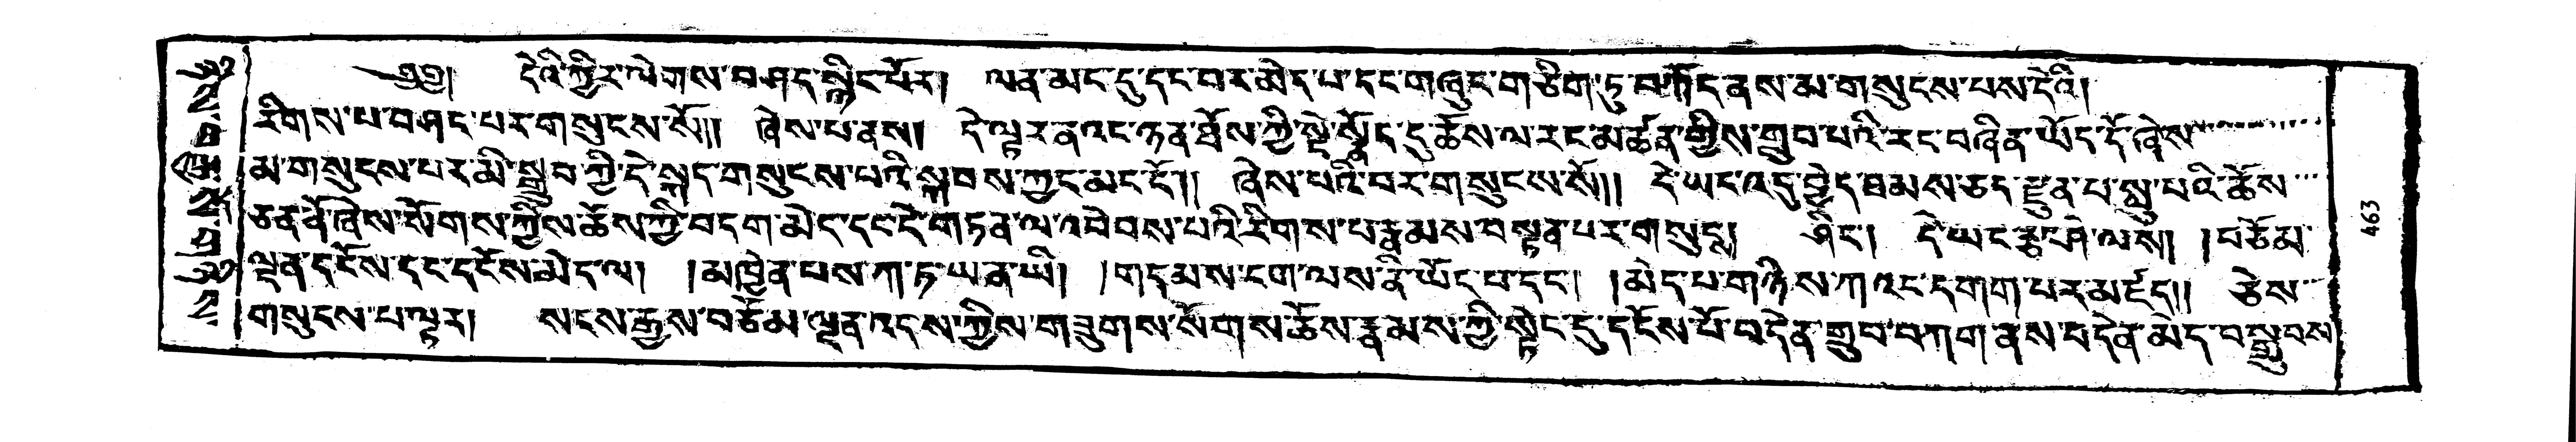༄༅། །དེའི་ཀྱིར་ལེགས་བཤད་སྙིང་པོར། ལན་མང་དུ་དང་བར་མེད་པ་དང་གཞུང་གཅིག་ཏུ་བཀོད་ནས་མ་གསུངས་པས་དེའི།
རིགས་པ་བཤད་པར་གསུངས་སོ། །ཞེས་པ་ནས། དེ་ལྟར་ནའང་ཉན་ཐོས་ཀྱི་སྡེ་སྣོད་དུ་ཆོས་ལ་རང་མཚན་གྱིས་གྲུབ་པའི་རང་བཞིན་ཡོད་དོ་ཞེས་
མ་གསུངས་པར་མི་སྒྲུབ་ཀྱི་དེ་སྐད་གསུངས་པའི་སྐབས་ཀྱང་མང་ངོ། །ཞེས་པའི་བར་གསུངས་སོ། །དེ་ཡང་འདུ་བྱེད་ཐམས་ཅད་རྫུན་པ་སླུ་པའི་ཆོས་
ཅན་ནོ་ཞེས་སོགས་ཀྱིས་ཆོས་ཀྱི་བདག་མེད་དང་དེ་གཏན་ལ་འབེབས་པའི་རིགས་པ་རྣམས་བསྟན་པར་གསུངས། ཤིང་། དེ་ཡང་རྩ་ཤེ་ལས། །བཅོམ་
ལྡན་དངོས་དང་དངོས་མེད་ལ། །མཁྱེན་པས་ཀ་ཏ་ཡ་ན་ཡི། །གདམས་ངག་ལས་ནི་ཡོད་པ་དང་། །མེད་པ་གཉིས་ཀའང་དགག་པར་མཛད།། ཅེས་
གསུངས་པ་ལྟར། སངས་རྒྱས་བཅོམ་ལྡན་འདས་ཀྱིས་གཟུགས་སོགས་ཆོས་རྣམས་ཀྱི་སྟེང་དུ་དངོས་པོ་བདེན་གྲུབ་བཀག་ནས་བདེན་མེད་བསྒྲུབས་